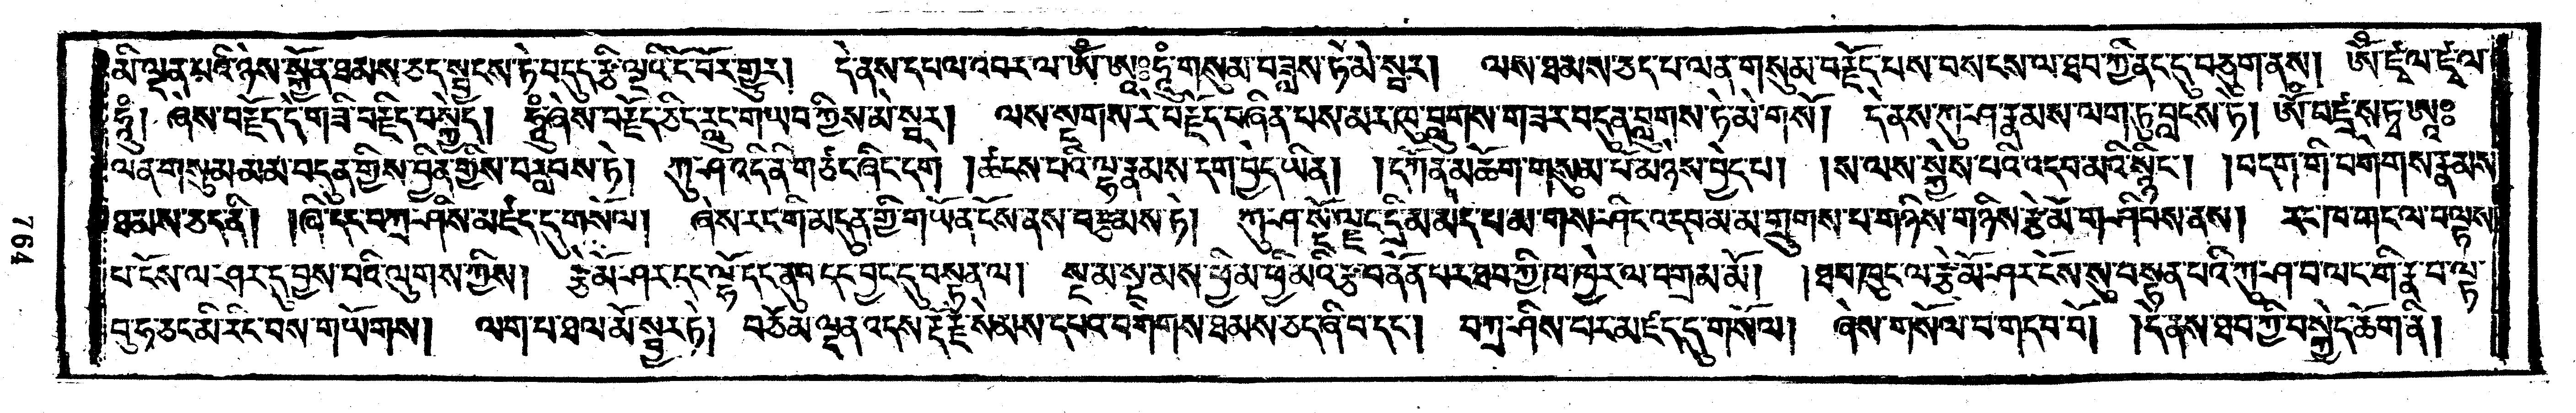མི་ལྡན་པའི་ཉེས་སྐྱོན་ཐམས་ཅད་སྦྱངས་ཏེ་བདུད་རྩི་ལྔའི་ངོ་བོར་གྱུར། དེ་ནས་དཔལ་འབར་ལ་ཨོཾ་ཨཱཿཧཱུཾ་གསུམ་བཟླས་ཏེ་མེ་སྦར། ལས་ཐམས་ཅད་པ་ལན་གསུམ་བརྗོད་པས་བསངས་ལ་ཐབ་ཀྱི་ནང་དུ་བཅུག་ནས། ཨོཾ་ཛྭལ་ཛྭ་ལ་
ཧཱུཾ། ཞེས་བརྗོད་དེ་གཟི་བརྗིད་བསྐྱེད། ཧཱུཾ་ཞེས་བརྗོད་ཅིང་རླུང་གཡབ་ཀྱིས་མེ་སྦར། ལས་སྔགས་རེ་བརྗོད་བཞིན་པས་མར་ཁུ་བླུགས་གཟར་བདུན་བླུགས་ཏེ་མེ་གསོ། དེ་ནས་ཀུ་ཤ་རྣམས་ལག་ཏུ་བླངས་ཏེ། ཨོཾ་བཛྲ་སཏྭ་ཨཱཿ
ལན་གསུམ་མམ་བདུན་གྱིས་བྱིན་གྱིས་བརླབས་ཏེ། ཀུ་ཤ་འདི་ནི་གཙང་ཞིང་དགེ །ཚངས་པའི་ལྷ་རྣམས་དག་བྱེད་ཡིན། །དཀོན་མཆོག་གསུམ་པོ་མཉེས་བྱེད་པ། །ས་ལས་སྐྱེས་པའི་འདབ་མའི་སྙིང་། །བདག་གི་བགེགས་རྣམས་
ཐམས་ཅད་ནི། །ཞི་དང་བཀྲ་ཤིས་མཛད་དུ་གསོལ། ཞེས་རང་གི་མདུན་གྱི་གཡོན་ངོས་ནས་བརྩམས་ཏེ། ཀུ་ཤ་སྔོ་ལྗང་དྲི་མ་མེད་པ་མ་གས་ཤིང་འདབ་མ་མ་གྲུགས་པ་གཉིས་གཉིས་རྩེ་མོ་གཤིབས་ནས། རང་ཁ་གང་ལ་བལྟས་
པ་ངོས་ལ་ཤར་དུ་བྱས་པའི་ལུགས་ཀྱིས། རྩེ་མོ་ཤར་དང་ལྷོ་དང་ནུབ་དང་བྱང་དུ་བསྟན་ལ། སྔ་མ་སྔ་མས་ཕྱི་མ་ཕྱི་མའི་རྩ་བ་ནོན་པར་ཐབ་ཀྱི་ཁ་ཁྱེར་ལ་བགྲམ་མོ། །ཐབ་ཁུང་ལ་རྩེ་མོ་ཤར་ངོས་སུ་བསྟན་པའི་ཀུ་ཤ་བ་ལང་གི་རྣ་བ་ལྟ་
བུ་ཧ་ཅང་མི་རིང་བས་གཡོགས། ལག་པ་ཐལ་མོ་སྦྱར་ཏེ། བཅོམ་ལྡན་འདས་རྡོ་རྗེ་སེམས་དཔའ་བགེགས་ཐམས་ཅད་ཞི་བ་དང་། བཀྲ་ཤིས་པར་མཛད་དུ་གསོལ། ཞེས་གསོལ་བ་གདབ་བོ། །དེ་ནས་ཐབ་ཀྱི་བསྐྱེད་ཆོག་ནི། །